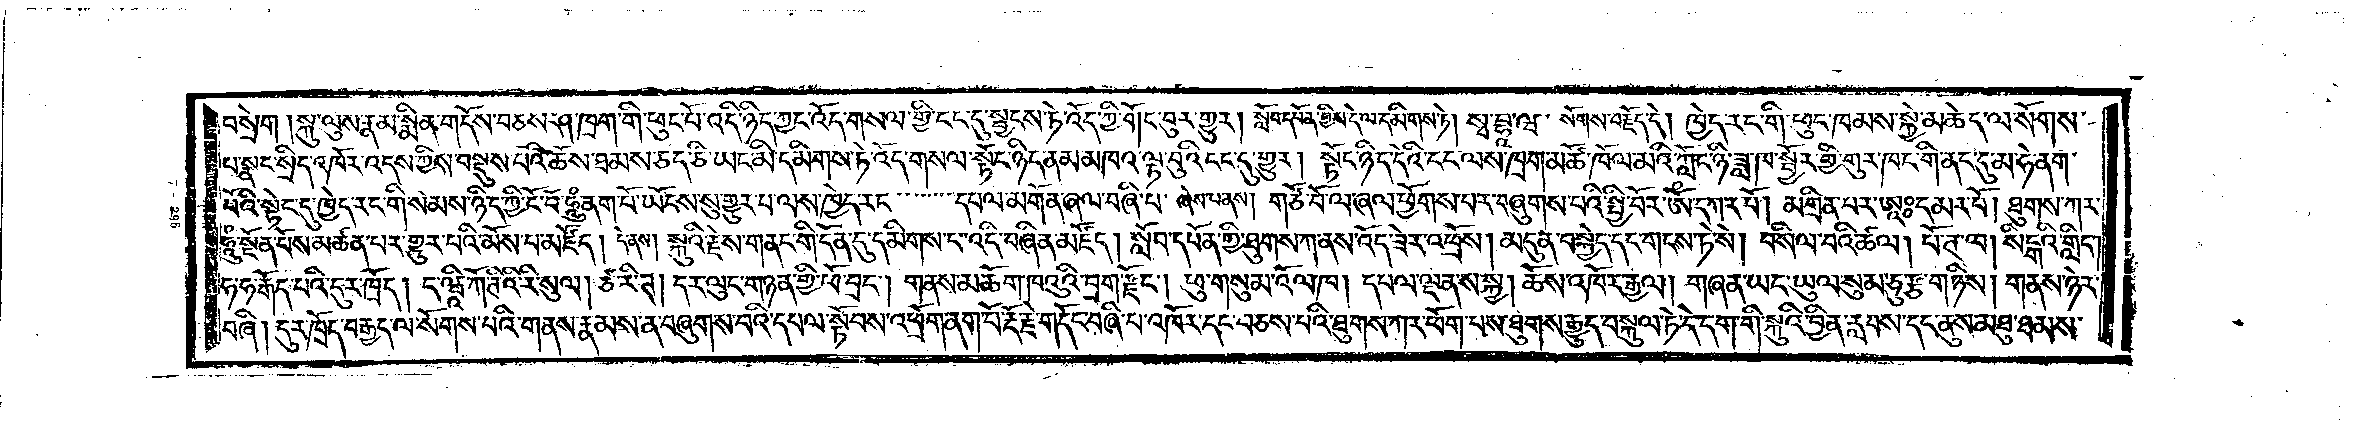བསྲེག། སྐུ་ལུས་རྣམ་སྨིན་གདོས་བཅས་ཤ་ཁྲག་གི་ཕུང་པོ་འདི་ཉིད་ཀྱང་འོད་གསལ་གྱི་ངང་དུ་སྦྱངས་ཏེ་འོད་ཀྱི་གོང་ཡུར་གྱུར། སློབ་དཔོན་གྱིས་དེ་ལ་དམིགས་ཏེ། སྭཱ་བྷཱ་ཝ་སོགས་བརྗོད་དེ། ཁྱེད་རང་གི་ཕུང་ཁམས་སྐྱེ་མཆེད་ལ་སོགས་
པ་སྣང་སྲིད་འཁོར་འདས་ཀྱིས་བསྡུས་བའི་ཆོས་ཐམས་ཅད་ཅི་ཡང་མི་དམིགས་ཏེ་འོད་གསལ་སྟོང་ཉིད་ནམ་མཁའ་ལྟ་བུའི་ངང་དུ་གྱུར། སྟོང་ཉིད་དེའི་ངང་ལས་ཁྲག་མཚོ་ཁོལ་མའི་ཀློང་ཉི་ཟླ་ཁ་སྦྱོར་གྱི་གུར་ཁང་གི་ནང་དུ་མ་ཧེ་ནག་
པོའི་སྟེང་དུ་ཁྱེད་རང་གི་སེམས་ཉིད་ཀྱི་ངོ་བོ་ཧཱུཾ་ནག་པོ་ཡོངས་སུ་གྱུར་པ་ལས་ཁྱེད་རང་། དཔལ་མགོན་ཞལ་བཞི་པ་ཞེས་པ་ནས་གཙོ་བོ་ལ་ཞལ་ཕྱོགས་པར་བཞུགས་པའི་སྤྱི་བོར་ཨོཾ་དཀར་པོ། མགྲིན་པར་ཨཱཿ དམར་པོ། ཐུགས་ཀར་
ཧཱུཾ་སྔོན་པོས་མཚན་པར་གྱུར་པའི་མོས་པ་མཛོད། དེ་ནས་སྐུའི་རྗེས་གནང་གི་དོན་དུ་དམིགས་པ་འདི་བཞིན་མཛོད། སློབ་དཔོན་གྱི་ཐུགས་ཀ་ནས་འོད་ཟེར་འཕྲོས། མདུན་བསྐྱེད་དང་གངས་ཏེ་སེ། བསིལ་བའི་ཚལ། པོ་ཊ་ལ། སིངྒའི་གླིང་
ཧ་ཧ་རྒོད་པའི་དུར་ཁྲོད། དེ་ཝཱི་ཀོ་ཊིའི་རི་སུལ། ཙ་རི་ཊ། དར་ལུང་གཉན་གྱི་ཕོ་བྲང་། གནས་མཆོག་ཁའུའི་བྲག་རྫོང་། ཕུ་གསུམ་འོལ་ཁ། དཔལ་ལྡན་ནས་སྐྱ། ཆོ་འཁོར་རྒྱལ། གཞན་ཡང་ཡུལ་སུམ་ཅུ་རྩ་གཉིས། གནས་ཉེར་
བཞི། དུར་ཁྲོད་བརྒྱད་ལ་སོགས་པའི་གནས་རྣམས་ན་བཞུགས་པའི་དཔལ་སྟོབས་འཕྲོག་ནག་པོ་རྡོ་རྗེ་གདོང་བཞི་པ་འཁོར་དང་བཅས་པའི་ཐུགས་ཀར་ལོག་པས་ཐུགས་རྒྱུད་བསྐུལ་ཏེ་དེ་དག་གི་སྐུའི་བྱིན་རླབས་དང་ནུས་མཐུ་ཐམས་